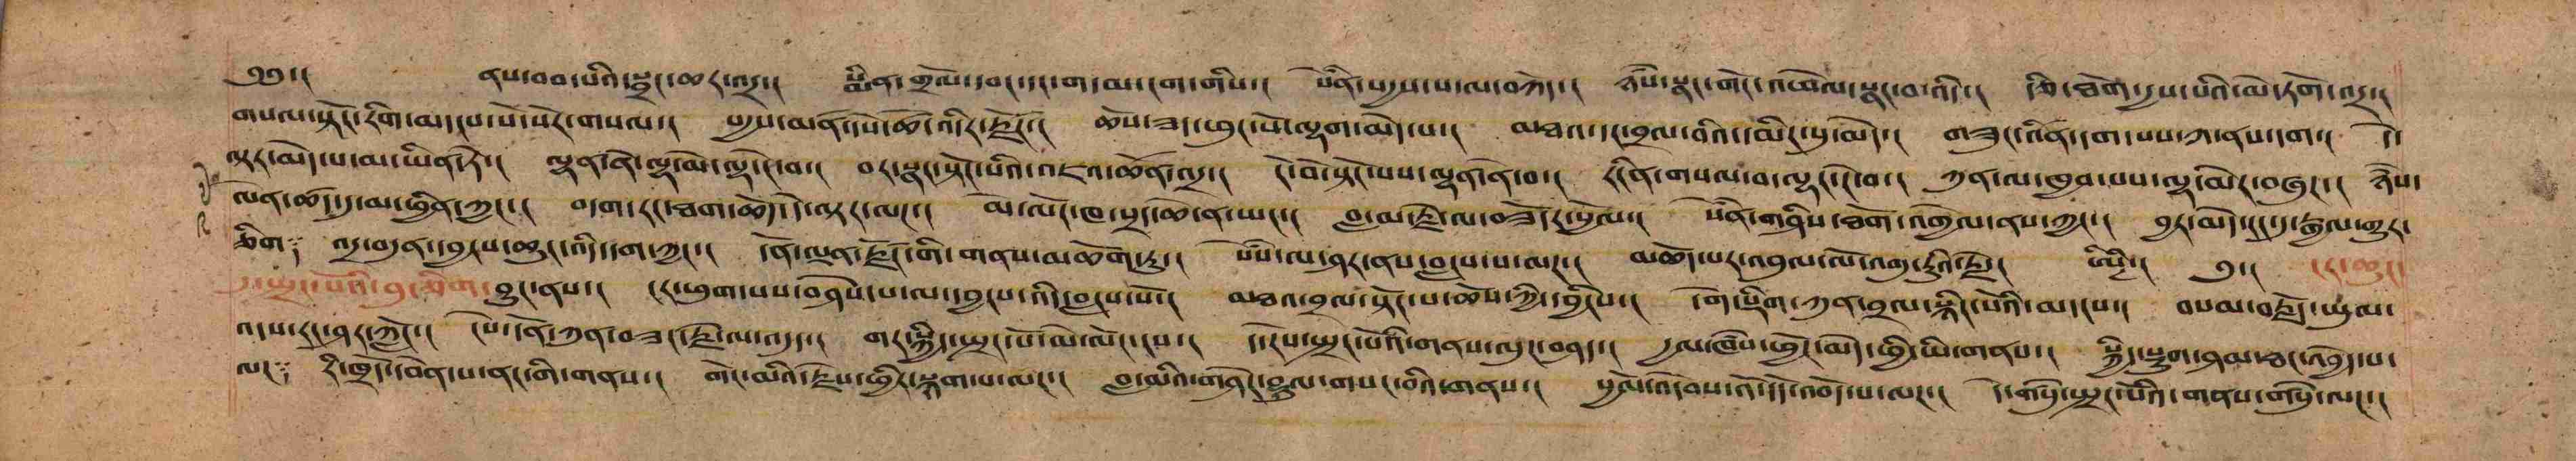༄༅་། ནས་བབ་པའི་སྦྲང་ཆར་འདྲ། སྨིན་གྲོལ་དབང་དང་གདམ་ངག་གིས། སེམས་ཅན་སངས་རྒྱས་ས་ལ་བཀོད། ཉམས་སྣང་གོང་འཕེལ་སྣང་བ་འདི། རྩི་ཐོག་རྒྱས་པའི་མེ་ཏོག་འདྲ། 
གསལ་སྟོང་རིག་མདངས་སོ་སོར་གསལ། སངས་རྒྱས་མཚན་དཔེ་ཚེ་འདིར་རྫོགས། ཆོས་ཟད་ཕུང་པོ་ལྷག་མེད་པ། མཐའ་དང་བྲལ་བའི་དམིགས་སུ་མེད། གཟུང་འཛིན་དག་པས་ཀ་ནས་དག་། དེ་
ལྟར་མེད་པ་མ་ཡིན་ཏེ། ལྷན་ནེ་ལྷ་མེ་ལྷ་ངེ་བ། བར་སྣང་སྟོང་པའི་འཇའ་ཚོན་འདྲ། ངོ་བོ་སྟོང་པས་ལྷན་ནེ་བ། རང་བཞིན་གསལ་བ་ལྷང་ངེ་བ། ཀུན་ལ་ཁྱབ་པས་ལྷ་མེར་བཞུགས། ཉམས་
ལེན་ཚད་དུ་མ་ཕྱིན་ཀྱང་། བདག་རང་ཐག་ཆོད་དེ་ལྟར་ལགས། མེ་ལོང་ཁ་སྲད་ཆེ་ན་ཡང་། བླ་མ་རྗེ་ལ་བཟོད་པར་གསོལ། སེམས་ཅན་གཤིས་ཐོག་འགྱེལ་ནས་ཀྱང་། བྱར་མེད་ངང་དུ་རྒྱལ་གྱུར་
ཅིག༑ འདྲ་འདུན་དབྱངས་ཆུང་འདི་དག་ཀྱང་། དོན་ལྡན་རྫོང་གི་གནས་མཆོག་ཏུ། སེམས་ལ་ཤར་ནས་བླངས་པ་ལགས། མཆོད་པར་འབུལ་ལོ་འགུ་རུའི་རྗེ། ཨིཊི། ༄་། ངར་ཆུང་
དུ་སྤྲང་པོའི་བུ་ཅིག་བྱུང་ནས། ངར་ཕུག་པས་བཤེས་པ་ལ་དབྱངས་འདི་བླངས་སོ། མཐའ་བྲལ་སྟོང་པ་ཆོས་ཀྱི་དབྱིངས། དགེ་སྡིག་ཀུན་བྲལ་སྙིང་པོའི་མདངས། བསམ་བརྗོད་ཡུམ་
འདས་རང་ཤར་ཀློང་། ངེས་དོན་ཀུན་བཟང་རྗེ་ལ་འདུད། གར་སྐྱིད་སྤྲང་པོ་མེ་ལོང་ངས། ད་རེས་སྤྲང་པོའི་གནས་ལུགས་བཤད། རྒྱལ་ཁམས་ཕྱོགས་མེད་ཕྱི་ཡི་གནས། སྐྱིད་སྡུག་ཤམ་ཐང་འབྱེད་པ་
ལགས༑ རི་ཁྲོད་དབེན་པ་ནང་གི་གནས། གོང་མའི་རྗེས་ཕྱིར་སྙག་པ་ལགས། བླ་མའི་གཤེགས་ཤུལ་གསང་བའི་གནས། གསོལ་འདེབས་འོ་དོད་འབོད་པ་ལགས། དེ་གསུམ་སྤྲང་པོའི་གནས་གསུམ་ལགས།